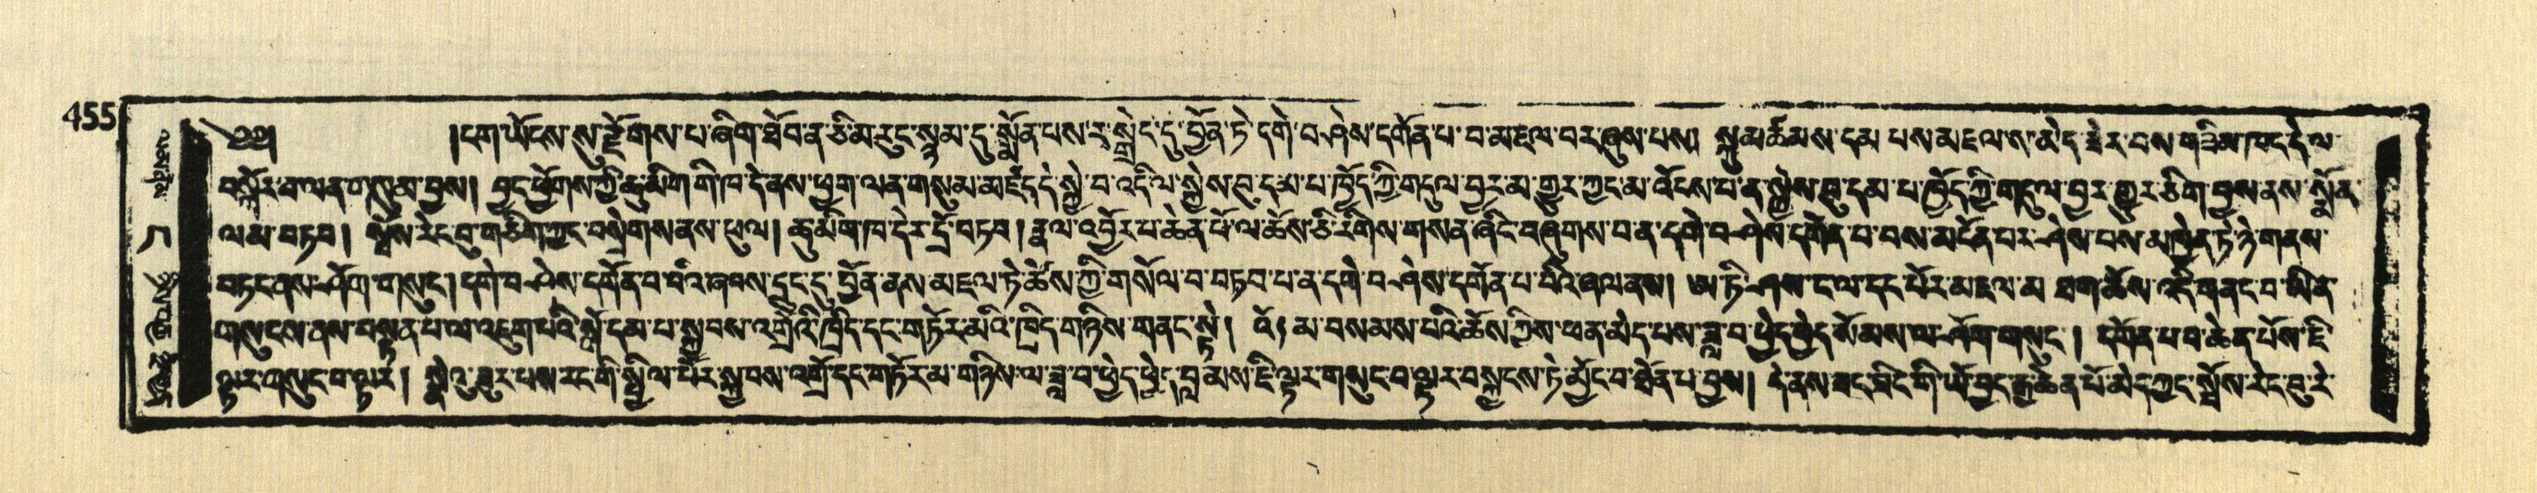༄༅། །ངག་ཡོངས་སུ་རྫོགས་པ་ཞིག་ཐོབ་ན་ཅི་མ་རུང་སྙམ་དུ་སྨོན་པས་ར་སྒྲེང་དུ་བྱོན་ཏེ་དགེ་བཤེས་དགོན་པ་བ་མཇལ་བར་ཞུས་པས། སྐུ་མཚམས་དམ་པས་མཇལ་ས་མེད་ཟེར་བས་གཟིམ་ཁང་དེ་ལ་
བསྐོར་བ་ལན་གསུམ་བྱས། བྱང་ཕྱོགས་ཀྱི་ཆུ་མིག་གི་ཁ་དེ་ནས་ཕྱག་ལན་གསུམ་མཛད་དེ་སྐྱེ་བ་འདི་ལ་སྐྱེས་བུ་དམ་པ་ཁྱོད་ཀྱི་གདུལ་བྱར་མ་གྱུར་ཀྱང་མ་འོངས་པ་ན་སྐྱེས་བུ་དམ་པ་ཁྱོད་ཀྱི་གདུལ་བྱར་གྱུར་ཅིག་བྱས་ནས་སྨོན་
ལམ་བཏབ། སྤོས་རེང་བུ་གཅིག་ཀྱང་བསྲེགས་ནས་ཕུལ། ཆུ་མིག་ཁ་དེར་དྲོ་བཏབ། རྣལ་འབྱོར་པ་ཆེན་པོ་ལ་ཆོས་ཅི་རིགས་གསན་ཞིང་བཞུགས་བ་ན་དགེ་བཤེས་དགོན་པ་བས་མངོན་པར་ཤེས་པས་མཁྱེན་ཏེ་ཉེ་གནས་
བཏང་ནས་ཤོག་གསུང་། དགེ་བཤེས་དགོན་བ་བའི་ཞབས་དྲུང་དུ་བྱོན་ནས་མཇལ་ཏེ་ཚེས་ཀྱི་གསོལ་བ་བཏབ་པ་ན་དགེ་བཤེས་དགོན་པ་བའི་ཞལ་ནས། ཨ་ཏི་ཤས་ང་ལ་དང་པོར་མཇལ་མ་ཐག་ཆོས་འདི་གནང་བ་ཡིན་
གསུངས་ནས་བསྟན་པ་ལ་འཇུག་པའི་སྒོ་དམ་པ་སྐྱབས་འགྲོའི་ཁྲིད་དང་གཏོར་མའི་ཁྲིད་གཉིས་གནང་སྟེ། འོ། མ་བསམས་པའི་ཆོས་ཀྱིས་ཕན་མེད་པས་ཟླ་བ་ཕྱེད་ཕྱེད་སོམས་ལ་ཤོག་གསུང་། དགོན་པ་བ་ཆེན་པོས་ཇི་
ལྟར་གསུང་བ་ལྟར། སྣེའུ་ཟུར་པས་རང་གི་སྤྱིལ་པོར་སྐྱབས་འགྲོ་དང་གཏོར་མ་གཉིས་ལ་ཟླ་བ་ཕྱེད་ཕྱེད་བླ་མས་ཇི་ལྟར་གསུང་བ་ལྟར་བསྐྱངས་ཏེ་མྱོང་བ་ཐོན་པ་བྱས། དེ་ནས་ཟང་ཐིང་གི་ཡོ་བྱད་རྒྱ་ཆེན་པོ་མེད་ཀྱང་སྦོས་རེང་བུ་རེ་